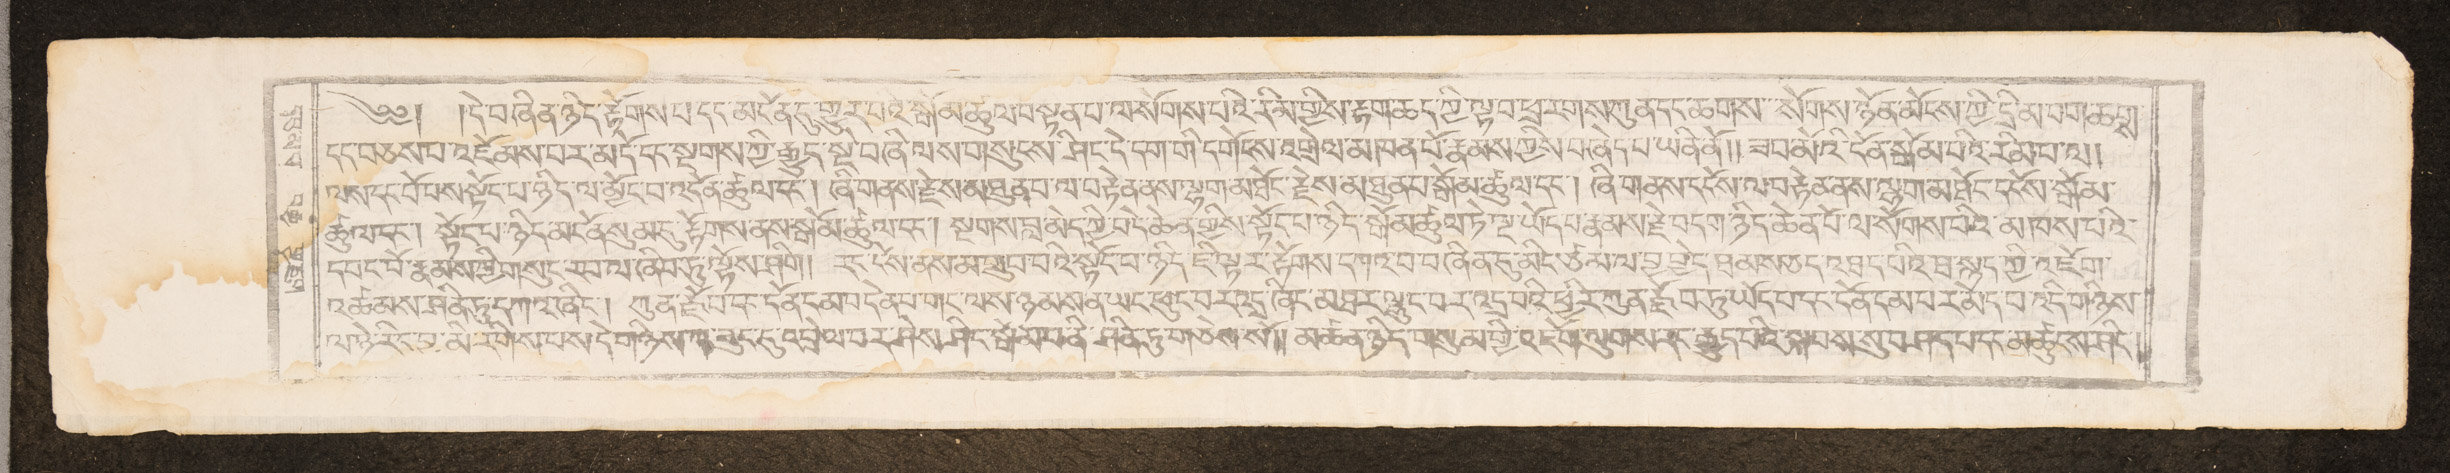༄༅། །དེ་བཞིན་ཉིད་རྟོགས་པ་དང་མངོན་དུ་གྱུར་པའི་སྒོམ་ཚུལ་བསྟན་པ་ལ་སོགས་པའི་རིམ་གྱིས་རྟག་ཆད་ཀྱི་ལྟ་བ་ཕྲ་རགས་ཀུན་དང་ཆགས་སོགས་ཉོན་མོངས་ཀྱི་དྲི་མ་བག་ཆགས་
དང་བཅས་པ་འཇོམས་པར་མདོ་དང་སྔགས་ཀྱི་རྒྱུད་སྡེ་བཞི་ལས་གསུངས་ཤིང་དེ་དག་གི་དགོངས་འགྲེལ་མཁན་པོ་རྣམས་ཀྱིས་བཞེད་པ་ཡིན་ནོ། །ཟབ་མོའི་དོན་སྒོམ་པའི་རིམ་པ་ལ།
ལས་དང་པོ་པས་སྟོང་པ་ཉིད་ལ་མྱོང་བ་འདོན་ཚུལ་དང་། ཞི་གནས་རྗེས་མཐུན་པ་ལ་བརྟེན་ནས་ལྷག་མཐོང་རྗེས་མཐུན་པ་སྒོམ་ཚུལ་དང་། ཞི་གནས་དངོས་ལ་བརྟེན་ནས་ལྷག་མཐོང་དངོས་སྒོམ་
ཚུལ་དང་། སྟོང་པ་ཉིད་མངོན་སུམ་དུ་རྟོགས་ནས་སྒོམ་ཚུལ་དང་། སྔགས་བླ་མེད་ཀྱི་བདེ་ཆེན་གྱིས་སྟོང་པ་ཉིད་སྒོམ་ཚུལ་ཏེ་ལྔ་ཡོད་པ་རྣམས་རྗེ་བདག་ཉིད་ཆེན་པོ་ལ་སོགས་པའི་མཁས་པའི་
དབང་པོ་རྣམས་ཀྱི་གསུང་རབ་ལ་ཞིབ་ཏུ་ལྟོས་ཤིག །རང་ངོས་ནས་མ་གྲུབ་པའི་སྟོང་པ་ཉིད་ཇི་ལྟར་རྟོགས་དཀའ་བ་བཞིན་དུ་མིང་ཙམ་ལ་བྱ་བྱེད་ཐམས་ཅད་འཐད་པའི་ཐ་སྙད་ཀྱི་འཇོག་
འཚམས་ཤིན་ཏུ་དཀའ་ཞིང་། ཀུན་རྫོབ་དང་དོན་དམ་བདེན་པ་གང་ལས་ཉམས་ན་ཡང་ཕུང་བར་འདྲ་ཞིང་མཐར་ལྷུང་བར་འདྲ་བའི་ཕྱིར་ཀུན་རྫོབ་ཏུ་ཡོད་པ་དང་དོན་དམ་པར་མེད་པ་འདི་གཉིས་
ལ་ཉེ་རིང་བྱ་མི་རིགས་པས་དེ་གཉིས་ཀ་ཟུང་དུ་འབྲེལ་བར་ཤེས་ཤིང་སྒོམ་པ་ནི་ཤིན་ཏུ་གཅེས་སོ། །མཚན་ཉིད་གསུམ་གྱི་འཇོག་ལུགས་རང་རྒྱུད་པའི་སྐབས་སུ་བཤད་པ་དང་མཚུངས་ཤིང་།